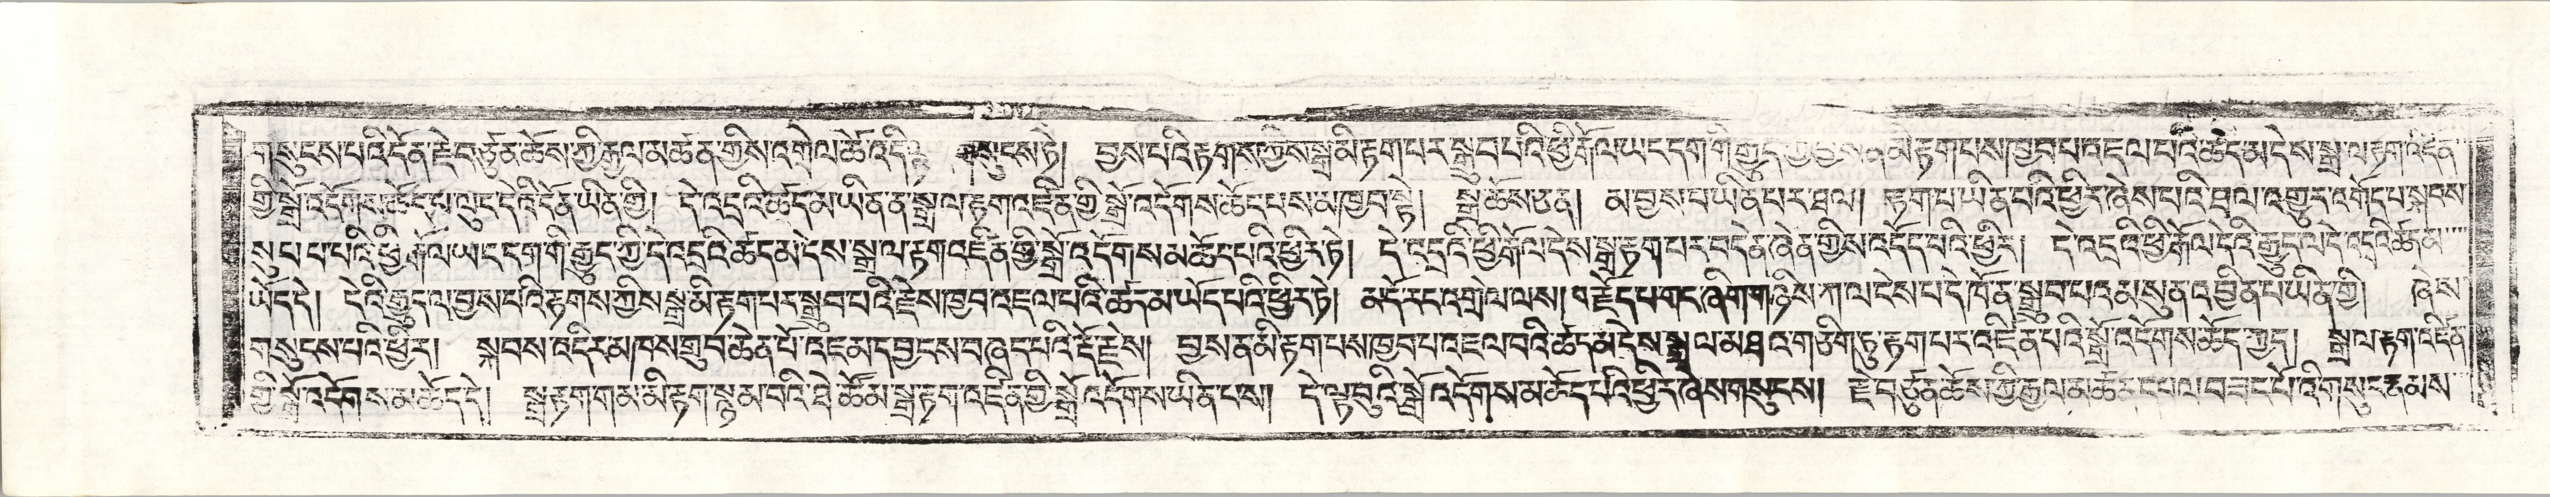གསུངས་པའི་དོན་རྗེ་བཙུན་ཆོས་ཀྱི་རྒྱལ་མཚན་གྱིས་འགྲེལ་ཚེ་འདི་ལྟར་གསུངས་ཏེ། བྱས་པའི་རྟགས་ཀྱིས་སྒྲ་མི་རྟག་པར་སྒྲུབ་པའི་ཕྱི་རྒོལ་ཡང་དག་གི་རྒྱུད་ཀྱི་བྱས་ན་མི་རྟག་པས་ཁྱབ་པ་འཇལ་བའི་ཚད་མ་དེས་སྒྲ་ལ་རྟག་འཛིན་
གྱི་སྒྲོ་འདོགས་ཆོད་པ་ལུང་དེའི་དོན་ཡིན་གྱི། དེ་འདྲའི་ཚད་མ་ཡིན་ན་སྒྲ་ལ་རྟག་འཛིན་གྱི་སྒྲོ་འདོགས་ཆོད་པས་མ་ཁྱབ་སྟེ། སྒྲ་ཆོས་ཅན། མ་བྱས་པ་ཡིན་པར་ཐལ། རྟག་པ་ཡིན་པའི་ཕྱིར་ཞེས་པའི་ཐལ་འགྱུར་འགོད་པ་སྐབས་
སུ་བབ་པའི་ཕྱི་རྒོལ་ཡང་དག་གི་རྒྱུད་ཀྱི་དེ་འདྲའི་ཚད་མ་དེས་སྒྲ་ལ་རྟག་འཛིན་གྱི་སྒྲོ་འདོགས་མ་ཆོད་པའི་ཕྱིར་ཏེ། དེ་འདྲའི་ཕྱི་རྒོལ་དེས་སྒྲ་རྟག་པར་བདེན་ཞེན་གྱིས་འདོད་པའི་ཕྱིར། དེ་འདྲའི་ཕྱི་རྒོལ་དེའི་རྒྱུད་ལ་དེ་འདྲའི་ཚད་མ་
ཡོད་དེ། དེའི་རྒྱུད་ལ་བྱས་པའི་རྟགས་ཀྱིས་སྒྲ་མི་རྟག་པར་སྒྲུབ་པའི་རྗེས་ཁྱབ་འཇལ་བའི་ཚད་མ་ཡོད་པའི་ཕྱིར་ཏེ། མདོ་རང་འགྲེལ་ལས། བརྗོད་པ་གང་ཞིག་གཉིས་ཀ་ལ་ངེས་པ་དེ་ཁོ་ན་སྒྲུབ་པའམ་སུན་འབྱིན་པ་ཡིན་གྱི། ཞེས་
གསུངས་པའི་ཕྱིར། སྐབས་འདིར་མཁས་གྲུབ་ཆེན་པོ་འཇམ་དབྱངས་བཞད་པའི་རྡོ་རྗེས། བྱས་ན་མི་རྟག་པས་ཁྱབ་པ་འཇལ་བའི་ཚད་མ་དེས་སྒྲ་ལ་མཐའ་གཅིག་ཏུ་རྟག་པར་འཛིན་པའི་སྒྲོ་འདོགས་ཆོད་ཀྱང་། སྒྲ་ལ་རྟག་འཛིན་
གྱི་སྒྲོ་འདོགས་མ་ཆོད་དེ། སྒྲ་རྟག་གམ་མི་རྟག་སྙམ་པའི་ཐེ་ཚོམ་སྒྲ་རྟག་འཛིན་གྱི་སྒྲོ་འདོགས་ཡིན་པས། དེ་ལྟ་བུའི་སྒྲོ་འདོགས་མ་ཆོད་པའི་ཕྱིར་ཞེས་གསུངས། རྗེ་བཙུན་ཆོས་ཀྱི་རྒྱལ་མཚན་དཔལ་བཟང་པོའི་གསུང་རྣམས་